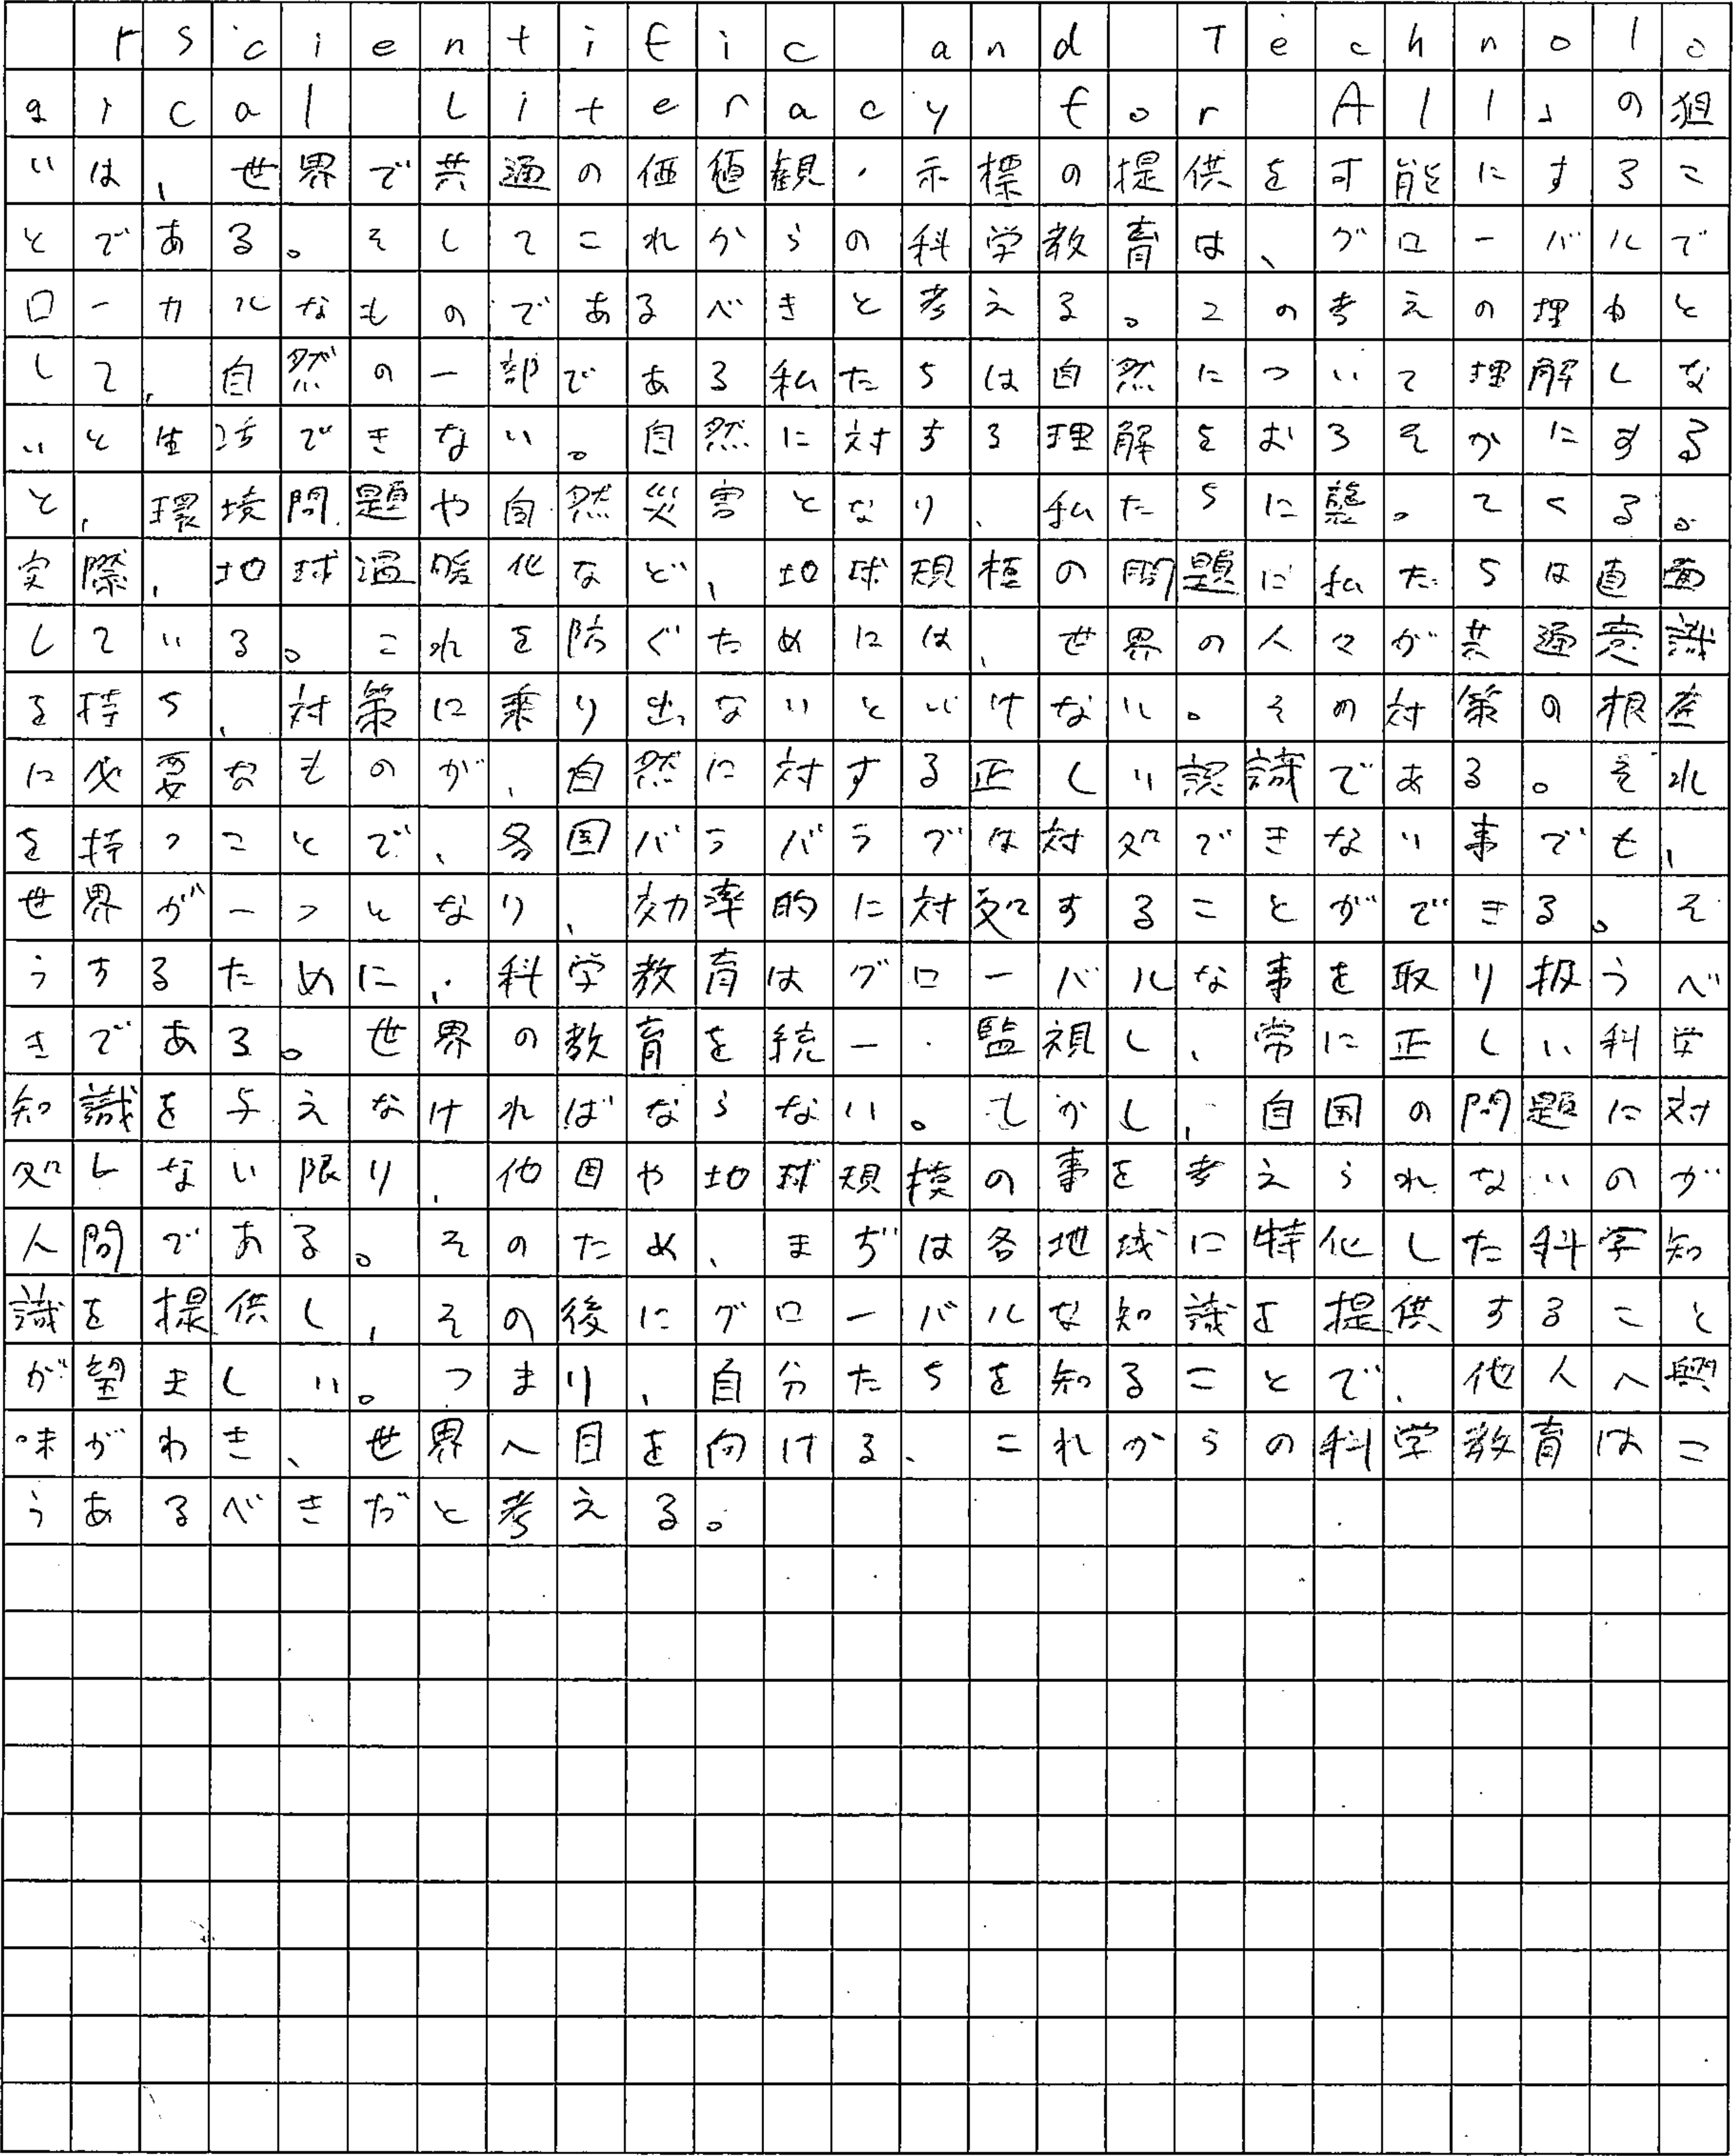　「Ｓｃｉｅｎｔｉｆｉｃ　ａｎｄ　Ｔｅｃｈｎｏｌｏｇｉｃａｌ　Ｌｉｔｅｒａｃｙ　ｆｏｒ　Ａｌｌ」の狙いは、世界で共通の価値観、示標の提供を可能にすることである。そしてこれからの科学教育は、グローバルでローカルなものであるべきと考える。この考えの理由として、自然の一部である私たちは自然について理解しないと生活できない。自然に対する理解をおろそかにすると、環境問題や自然災害となり、私たちに襲ってくる。実際、地球温暖化など、地球規模の問題に私たちは直面している。これを防ぐためには、世界の人々が共通意識を持ち、対策に乗り出ないといけない。その対策の根底に必要なものが、自然に対する正しい認識である。それを持つことで、各国バラバラでは対処できない事でも、世界が一つとなり、効率的に対処することができる。そうするために、科学教育はグローバルな事を取り扱うべきである。世界の教育を統一、監視し、常に正しい科学知識を与えなければならない。しかし、自国の問題に対処しない限り、他国や地球規模の事を考えられないのが人間である。そのため、まぢは各地域に特化した科学知識を提供し、その後にグローバルな知識を提供することが望ましい。つまり、自分たちを知ることで、他人へ興味がわき、世界へ目を向ける、これからの科学教育はこうあるべきだと考える。
